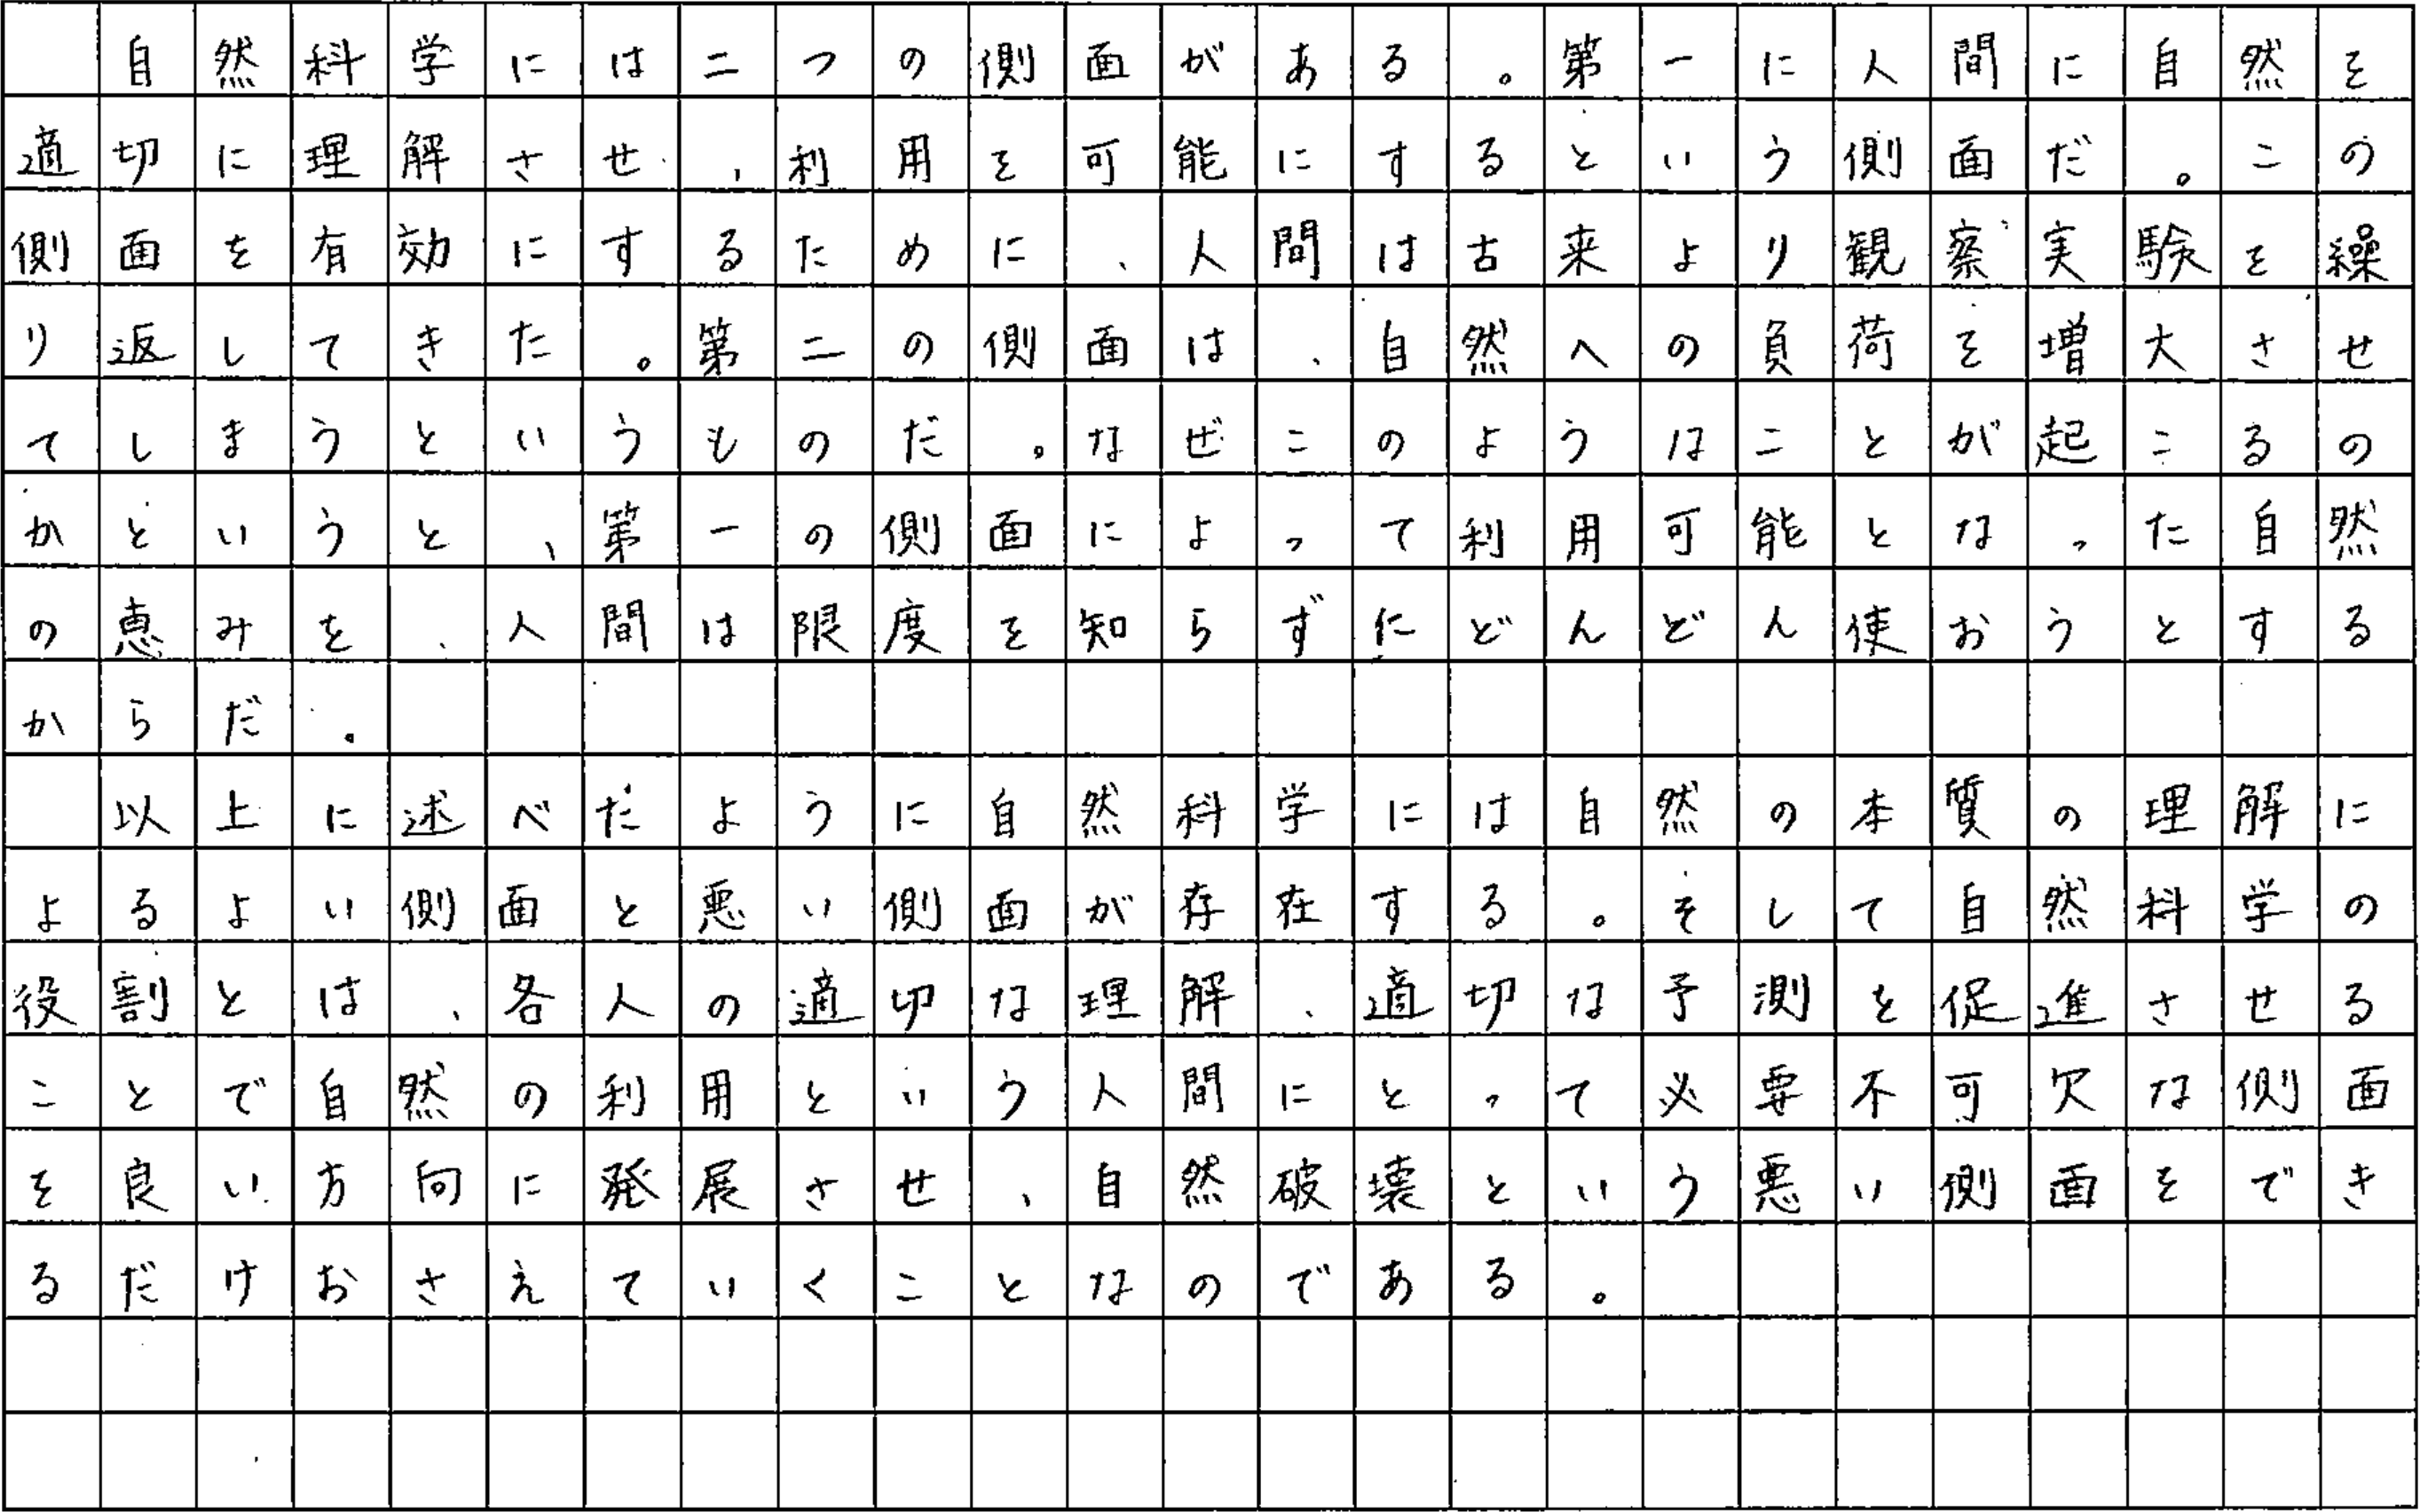自然科学には二つの側面がある。第一に人間に自然を適切に理解させ、利用を可能にするという側面だ。この側面を有効にするために、人間は古来より観察実験を繰り返してきた。第二の側面は、自然への付加を増大させてしまうというものだ。なぜこのようなことが起こるのかというと、第一の側面によって利用可能となった自然の恵みを、人間は限度を知らずにどんどん使おうとするからだ。
　以上に述べたように自然科学には自然の本質の理解によるよい側面と悪い側面が存在する。そして自然科学の役割とは、各人の適切な理解、適切な予測を促進させることで自然の利用という人間にとって必要不可欠な側面を良い方向に発展させ、自然破棄という悪い側面をできるだけおさえていくことなのである。
